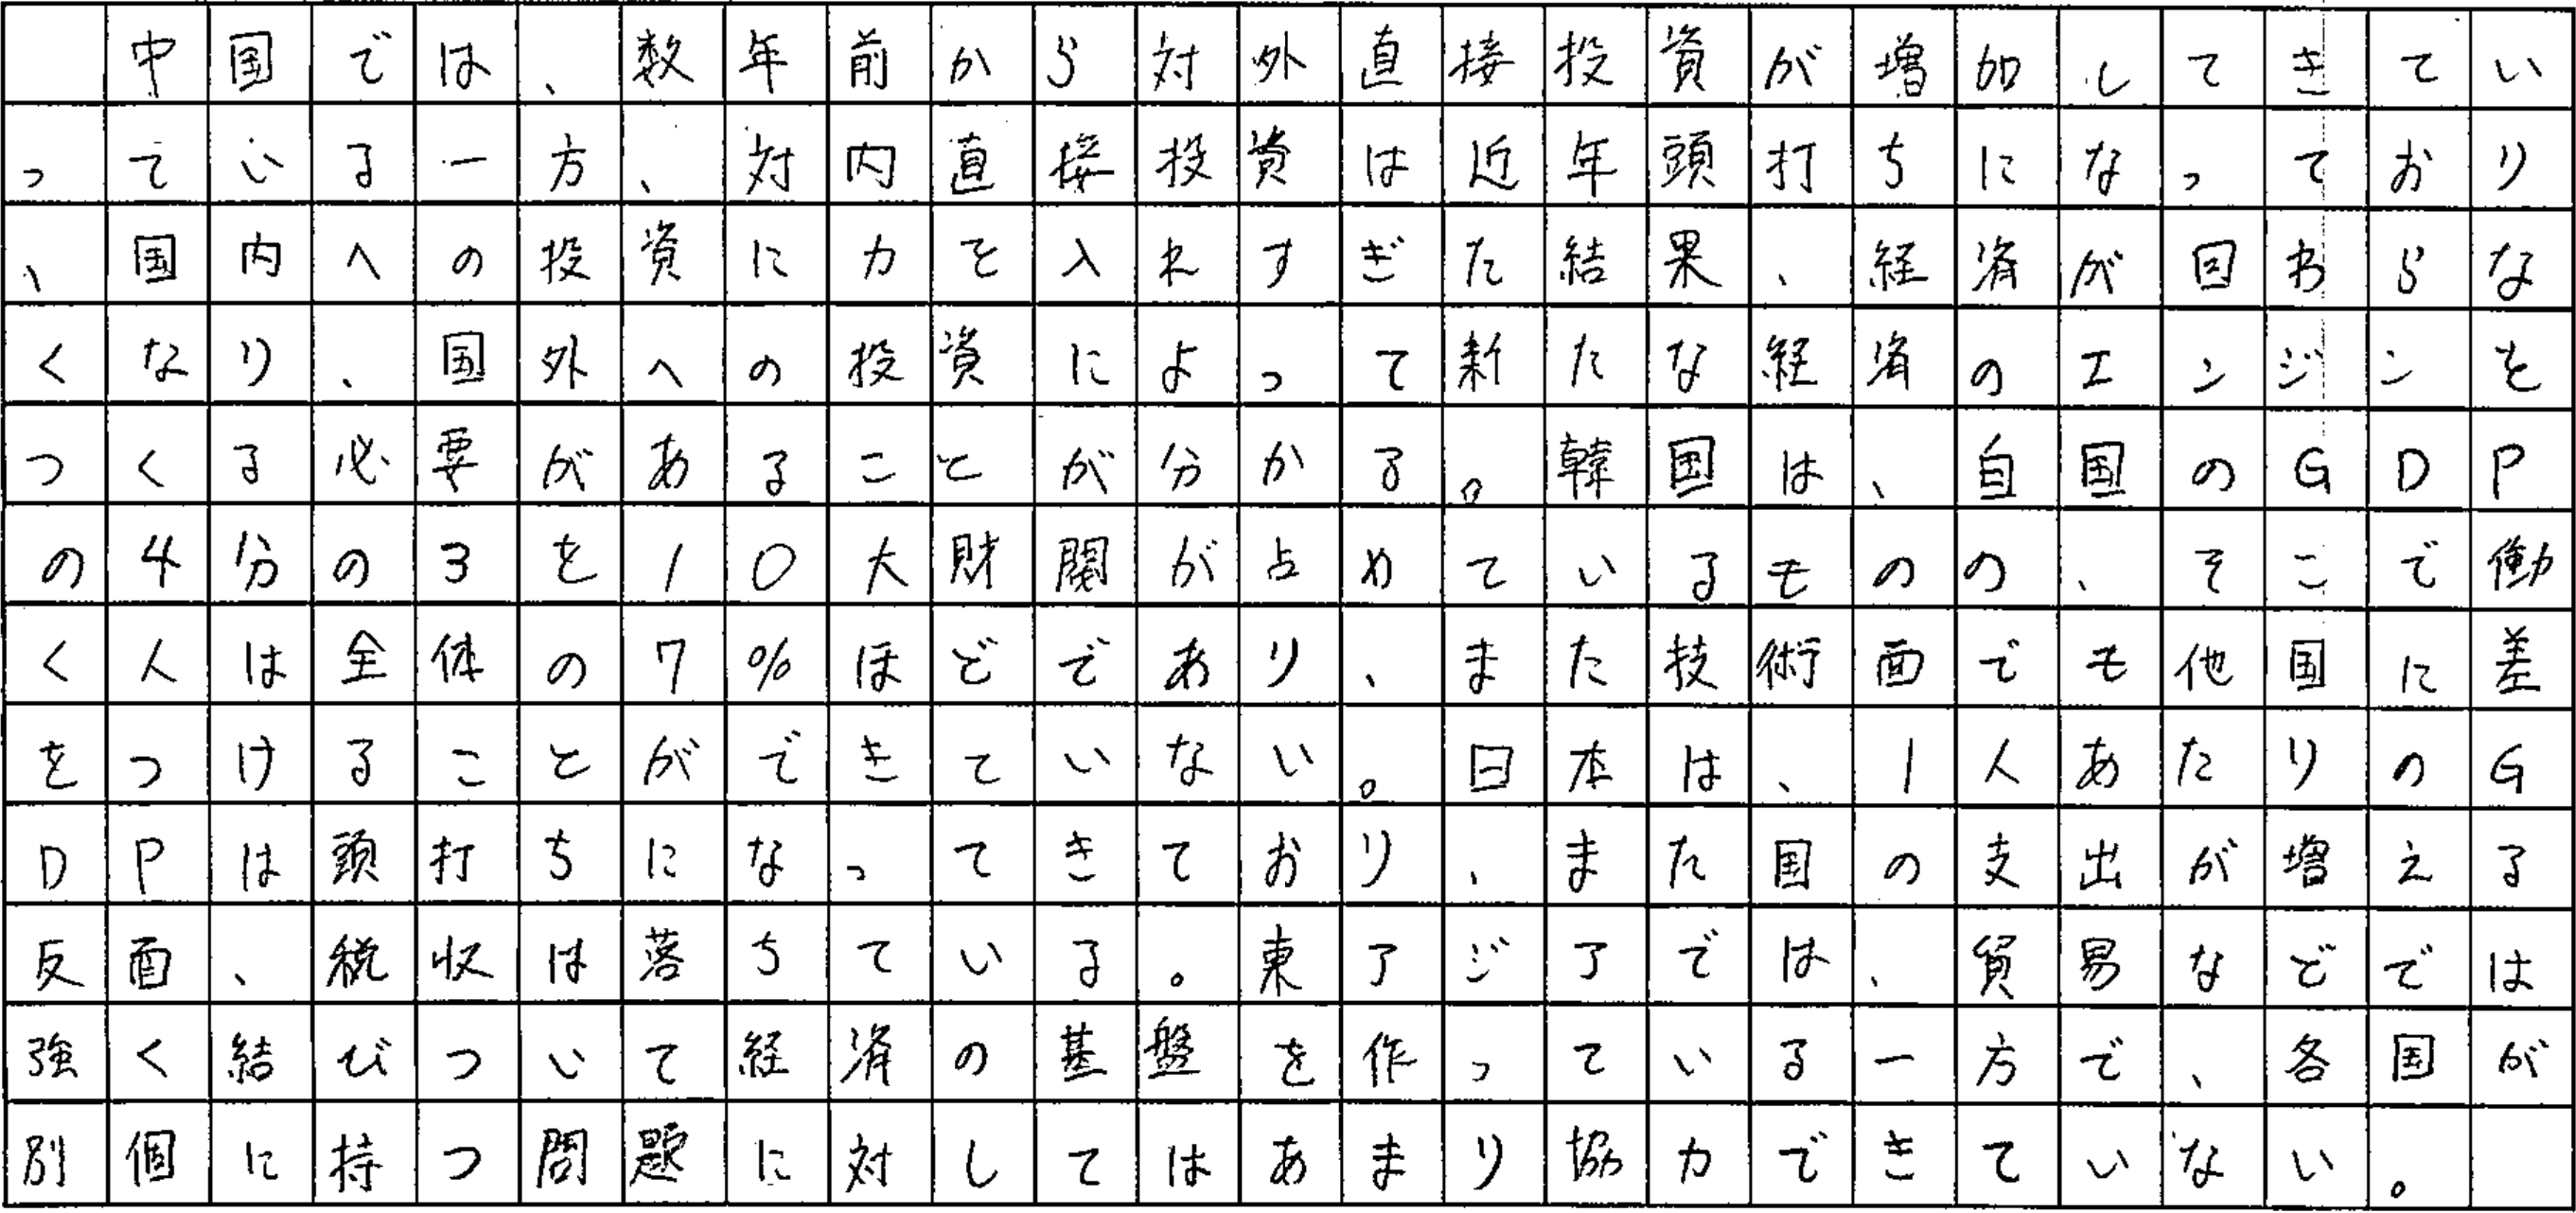　中国では、数年前から対外直接投資が増加してきていっている一方、対内直接投資は近年頭打ちになっており、国内への投資に力を入れすぎた結果、経済が回わらなくなり、国外への投資によって新たな経済のエンジンをつくる必要があることが分かる。韓国は、自国のＧＤＰの４分の３を１０大財閥が占めているものの、そこで働く人は全体の７％ほどであり、また技術面でも他国に差をつけることができていない。日本は、１人あたりのＧＤＰは頭打ちになってきており、また国の支出が増える反面、税収は落ちている。東アジアでは、貿易などでは強く結びついて経済の基盤を作っている一方で、各国が別個に持つ問題に対してはあまり協力できていない。
